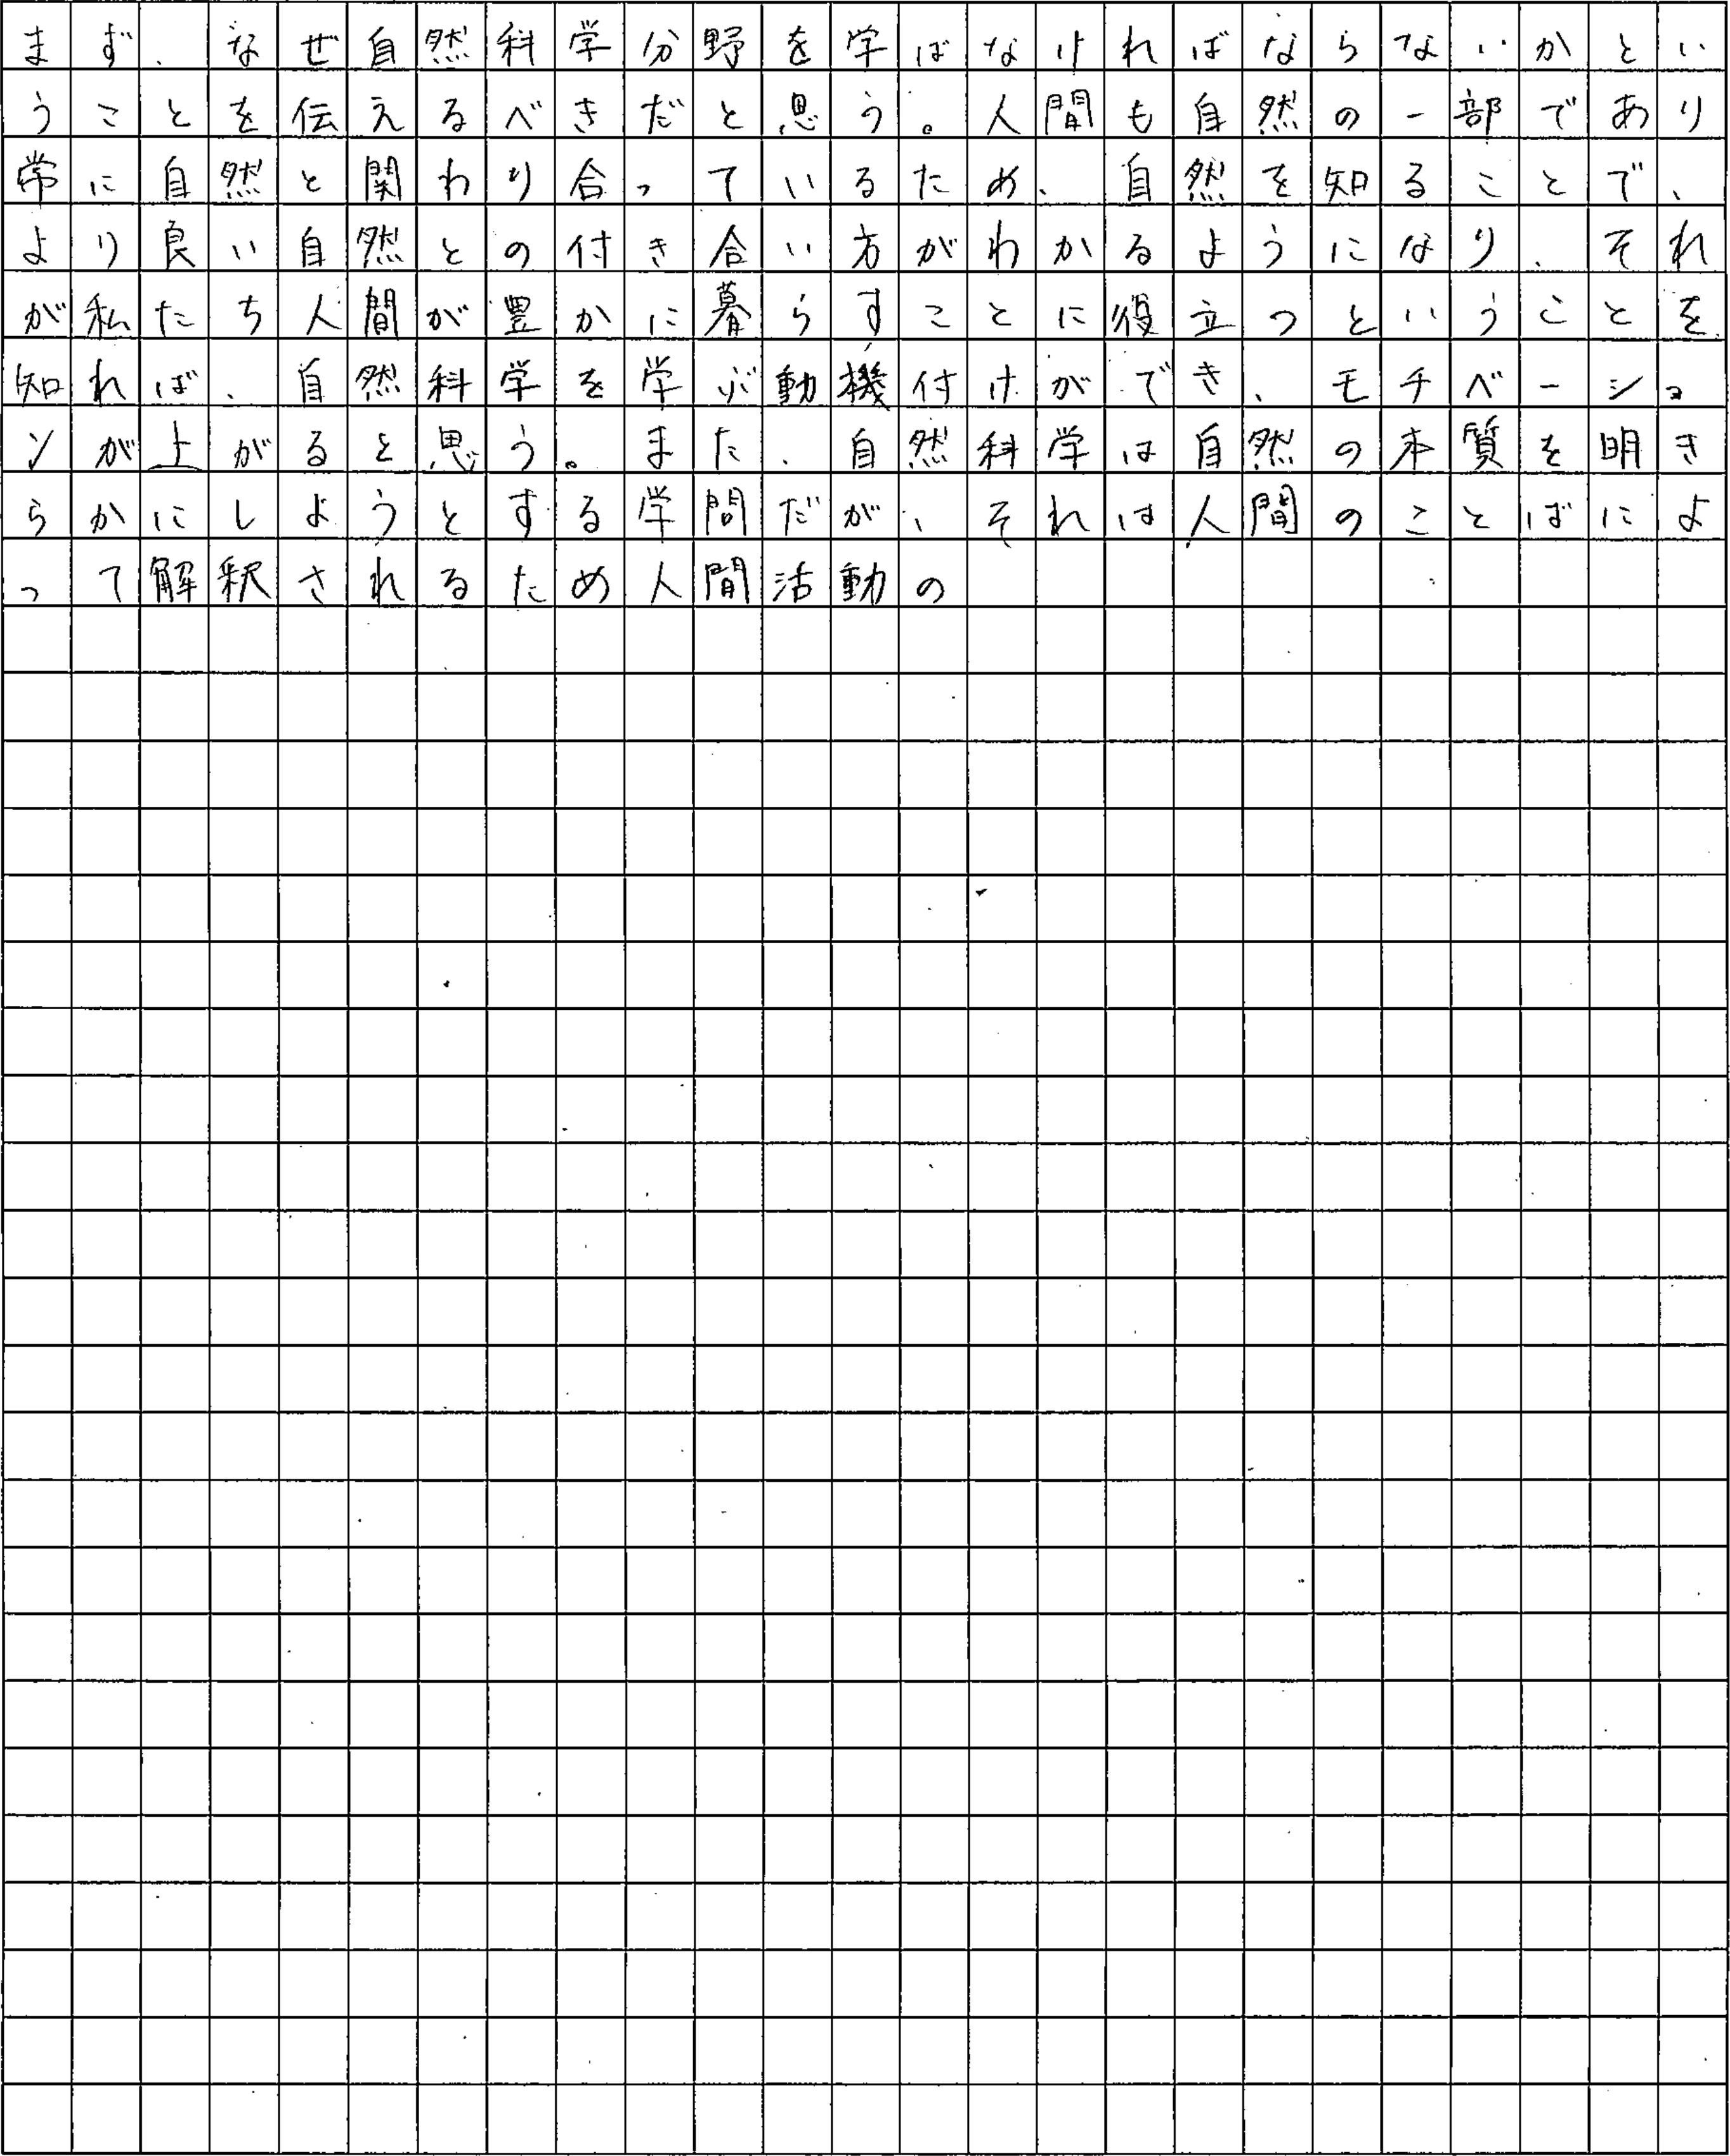まず、なぜ自然科学分野を学ばなければならないかということを伝えるべきだと思う。人間も自然の一部であり常に自然と関わり合っているため、自然を知ることで、より良い自然との付き合い方がわかるようになり、それが私たち人間が豊かに暮らすことに役立つということを知れば、自然科学を学ぶ動機付けができ、モチベーションが上がると思う。また、自然科学は自然の本質を明きらかにしようとする学問だが、それは人間のことばによって解釈されるため人間活動の
